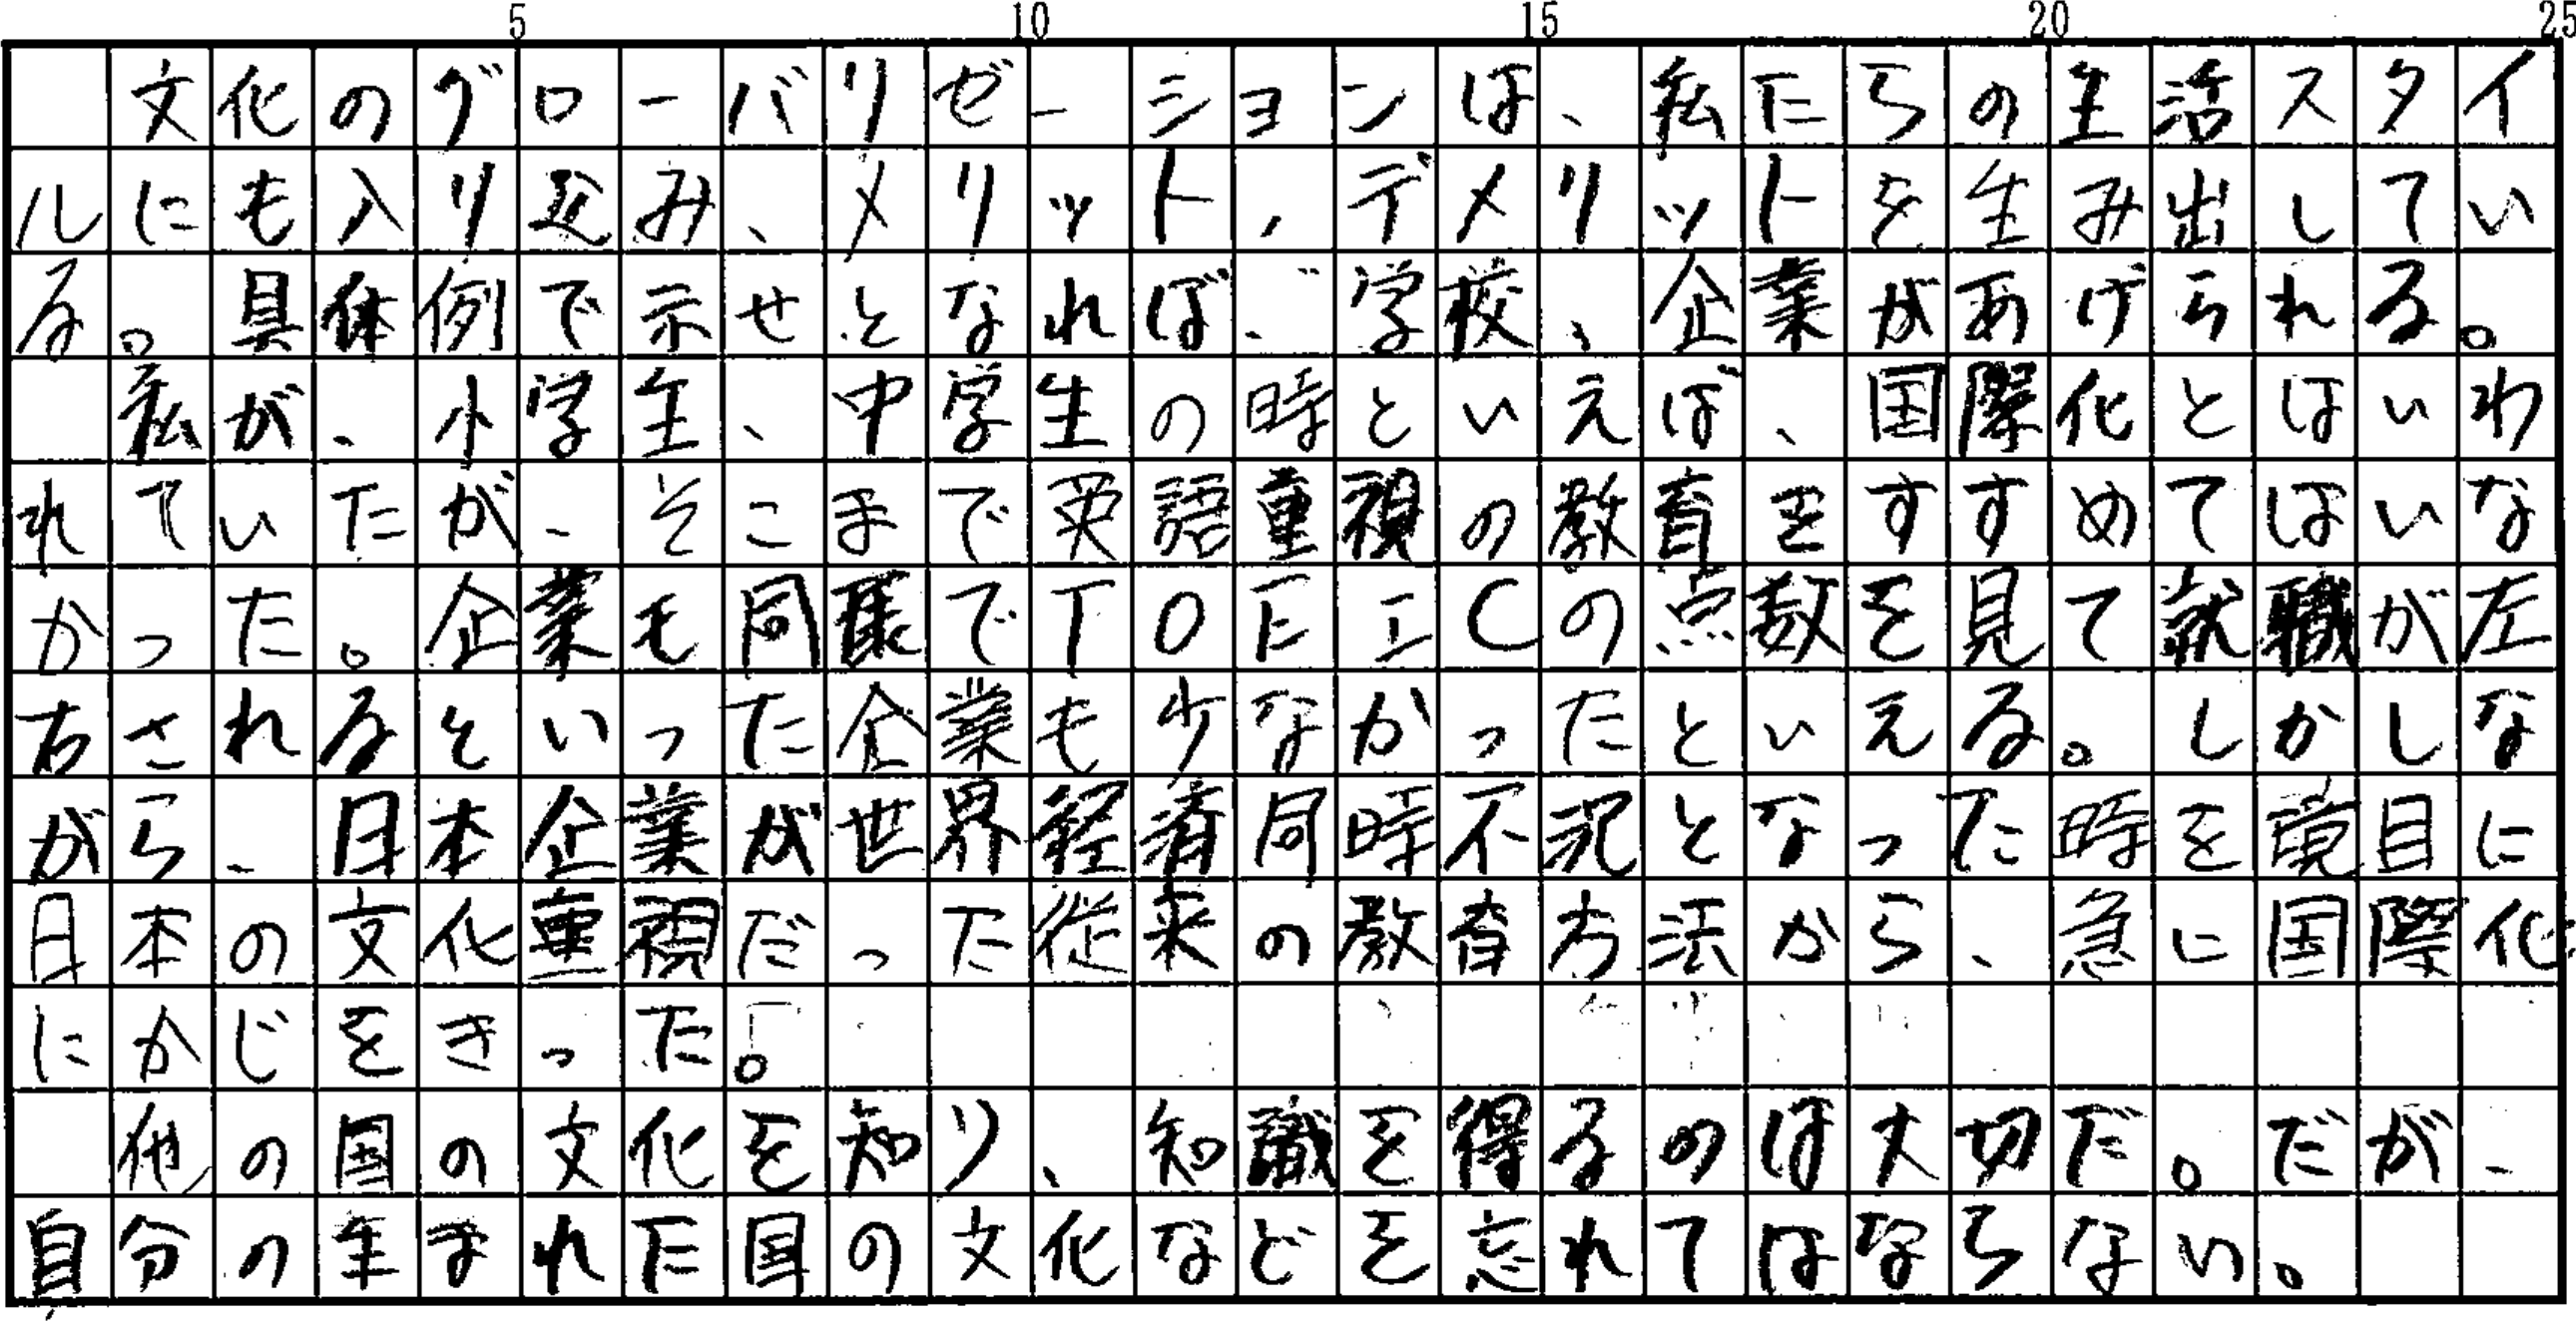　文化のグローバリゼーションは、私たちの生活スタイルにも入り込み、メリット、デメリットを生み出している。具体例で示せとなれば、学校、企業があげられる。
　私が、小学生、中学生の時といえば、国際化とはいわれていたが、そこまで英語重視の教育をすすめてはいなかった。企業も同様でＴＯＥＩＣの点数を見て就職が左右されるといった企業も少なかったといえる。しかしながら、日本企業が世界経済同時不況となった時を境目に日本の文化重視だった従来の教育方法から、急に国際化にかじをきった。
　他の国の文化を知り、知識を得るのは大切だ。だが、自分の生まれた国の文化などを忘れてはならない。
